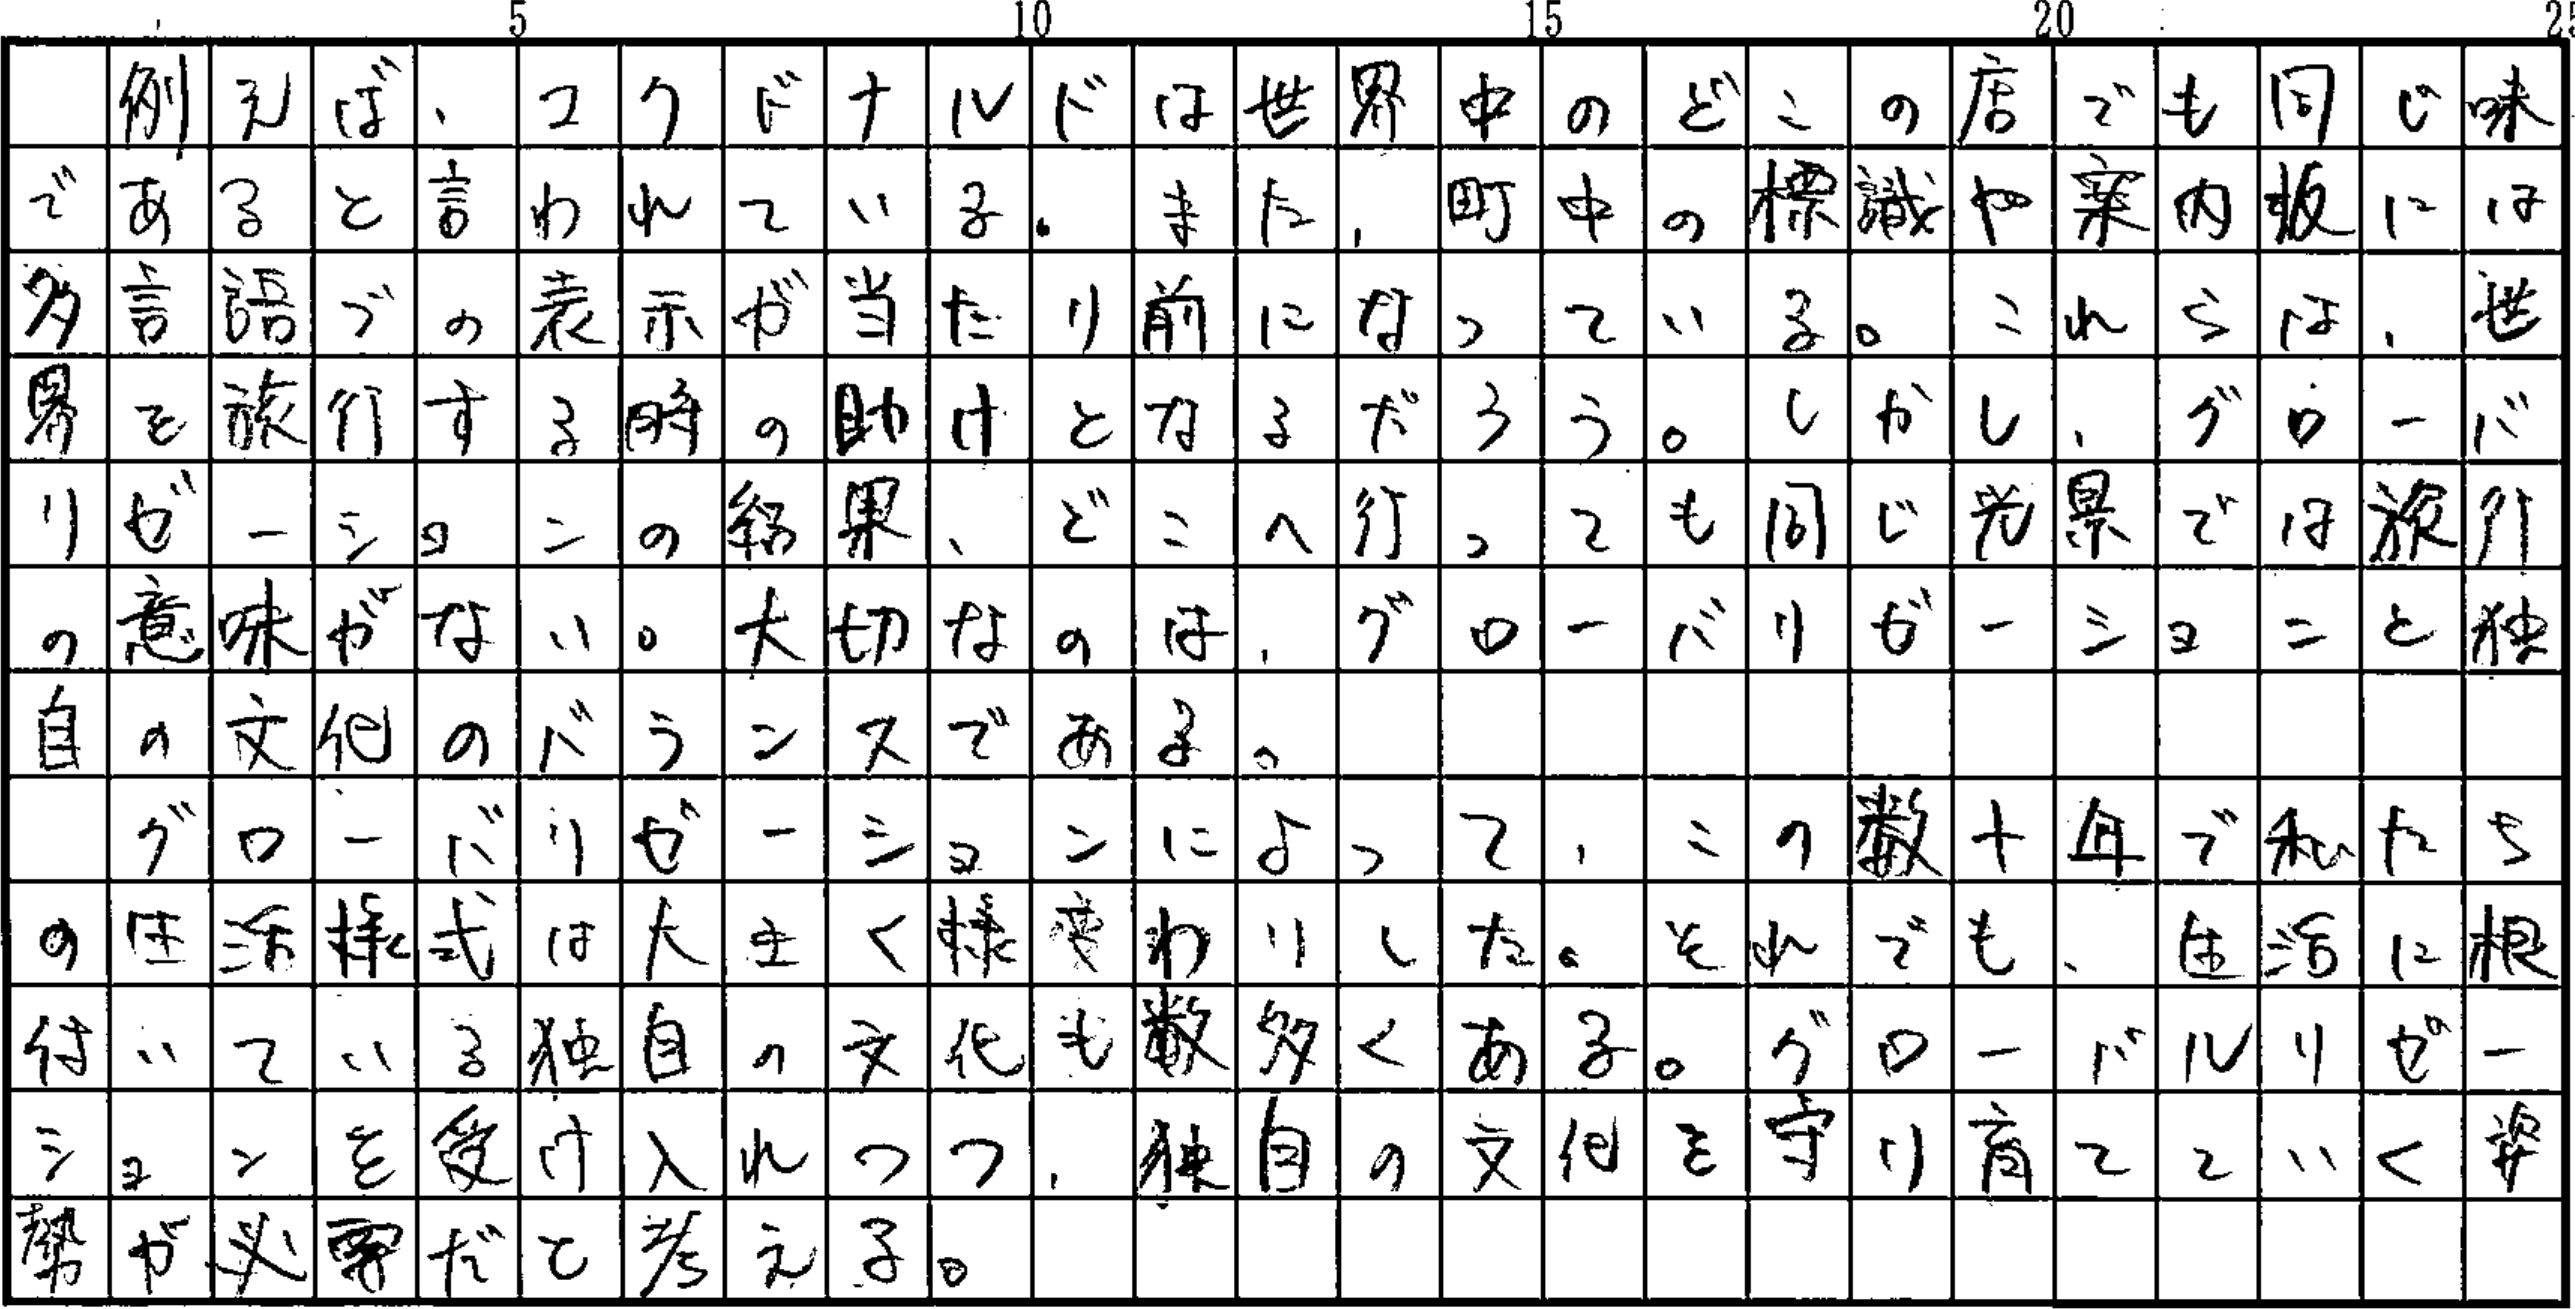　例えば、マクドナルドは世界中のどこの店でも同じ味であると言われている。また、町中の標識や案内板には多言語づの表示が当たり前になっている。これらは、世界を旅行する時の助けとなるだろう。しかし、グローバリゼーションの▁果、どこへ行っても同じ光景では旅行の意味がない。大切なのは、グローバリゼーションと独自の文化のバランスである。
　グローバリゼーションによって、この数十年で私たちの生活様式は大きく様変わりした。それでも、生活に根付いている独自の文化も数多くある。グローバルリゼーションを受け入れつつ、独自の文化を守り育てていく姿勢が必要だと考える。
